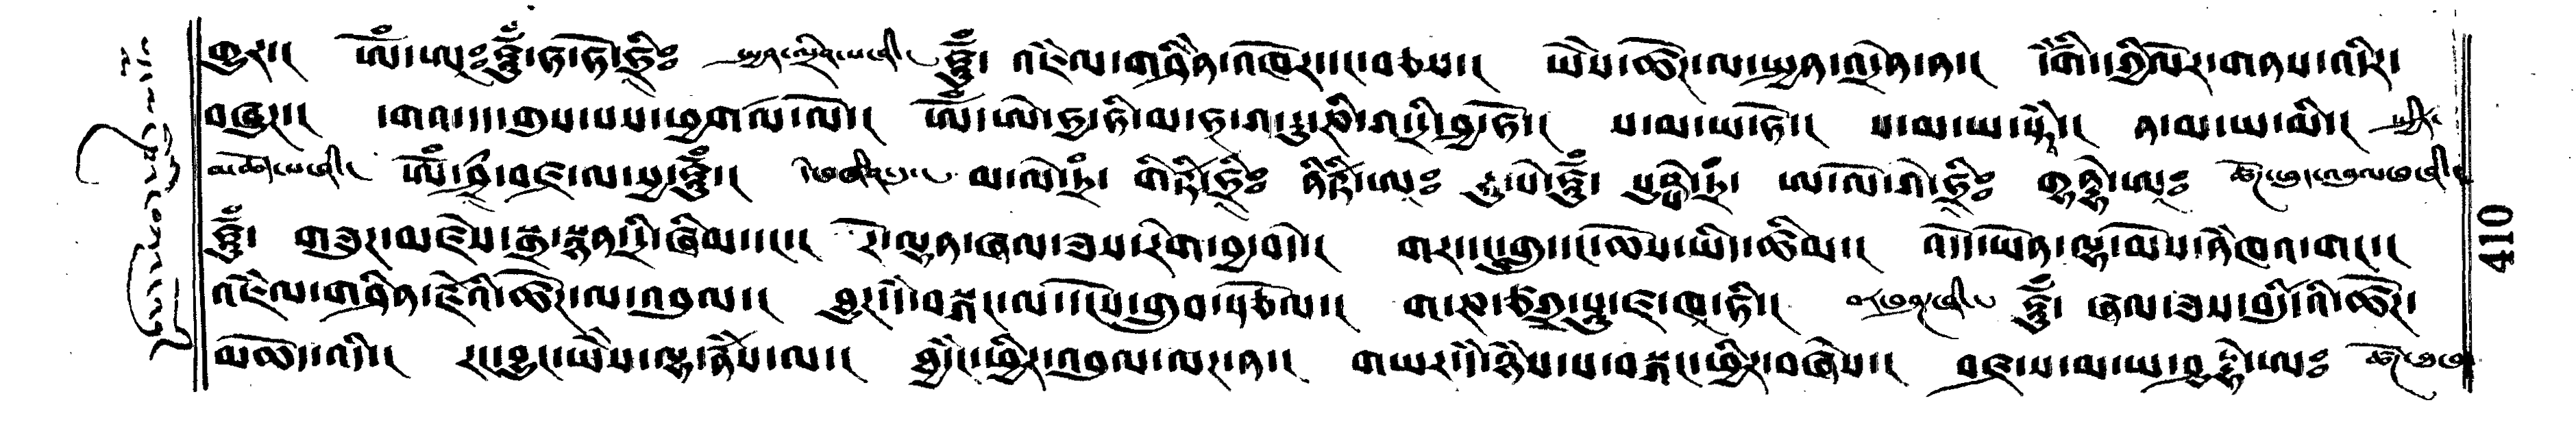གྱུར།ཨོཾ་ཨཱཿཧཱུྃ་ཧ་ཧོ་ཧྲཱིཿ སྤྱན་འདྲེན་པ་ནི། ཧཱུྃ། འཇམ་དཔལ་གཤིན་རྗེ་འཁོར་དང་བཅས། །ཡེ་ཤེས་ཚོགས་ལ་སྤྱན་འདྲེན་ན། །དམ་ཚིག་དཀྱིལ་འཁོར་གནས་འདིར་
བཞུགས། །དགའ་དད་གུས་པས་ཕྱག་འཚལ་ལོ། །ཨོཾ་ཨེ་ཧྱ་ཧི་མ་ཧཱ་ཀཱ་རུ་ཎི་ཀ་དྲི་ཤྱ་ཧོཿ ས་མ་ཡ་ཧོཿ ས་མ་ཡ་སྟྭམཿ ན་མ་ཡ་མིཿ སྤྱིར་
མཆོད་པ་ནི། ཨོཾ་ཤྲཱི་བཛྲ་ལ་སྱ་ཧཱུྃཿ དེ་བཞིན་དུ། མ་ལེ་ཏྲཾཿ གིརྟི་ཧྲཱིཿ ནིརྟི་ཨཱཿ དྷུ་པེ་ཧཱུྃཿ པུཥྤེ་ཏྲཾཿ ཨ་ལོ་ཀེ་ཧྲཱིཿ གྷནྡྷེ་ཨཱཿ ཚོགས་ཕུད་འབུལ་བ་ནི། 
ཧཱུྃ། གཟུགས་མཛེས་སྒྲ་སྙན་དྲི་ཞིམ་དང་། །རོ་ལྡན་ཞལ་ཟས་རེག་བྱ་བདེ། །གར་དང་གླུ་དང་ཆོས་ཡིད་ཚིམ། །འདོད་ཡོན་ལྷ་མོས་ནམ་མཁའ་གང་། །
འཇམ་དཔལ་གཤིན་རྗེའི་ཚོགས་ལ་འབུལ། །ཐུགས་དམ་བསྐང་ལ་དངོས་གྲུབ་སྩོལ། །ག་ཎ་ཙཀྲ་པཱུ་ཛ་ཁཱ་ཧི། བར་བཤགས་ནི། ཧཱུྃ། ཞལ་ཟས་བདུད་རྩིའི་ཚོགས་
མཆོད་འདི། །རང་བྱུང་ཡེ་ཤེས་ལྷ་རྣམས་ལ། །ཐུགས་དམ་སྐོང་ཕྱིར་འབུལ་ལགས་ན། །གཡར་དམ་ཉམས་པ་སྐོང་ཕྱིར་བཞེས། །བཛྲ་ས་མ་ཡ་ཤུདྡྷེ་ཨཿ ཚོགས་ཐ་མ་